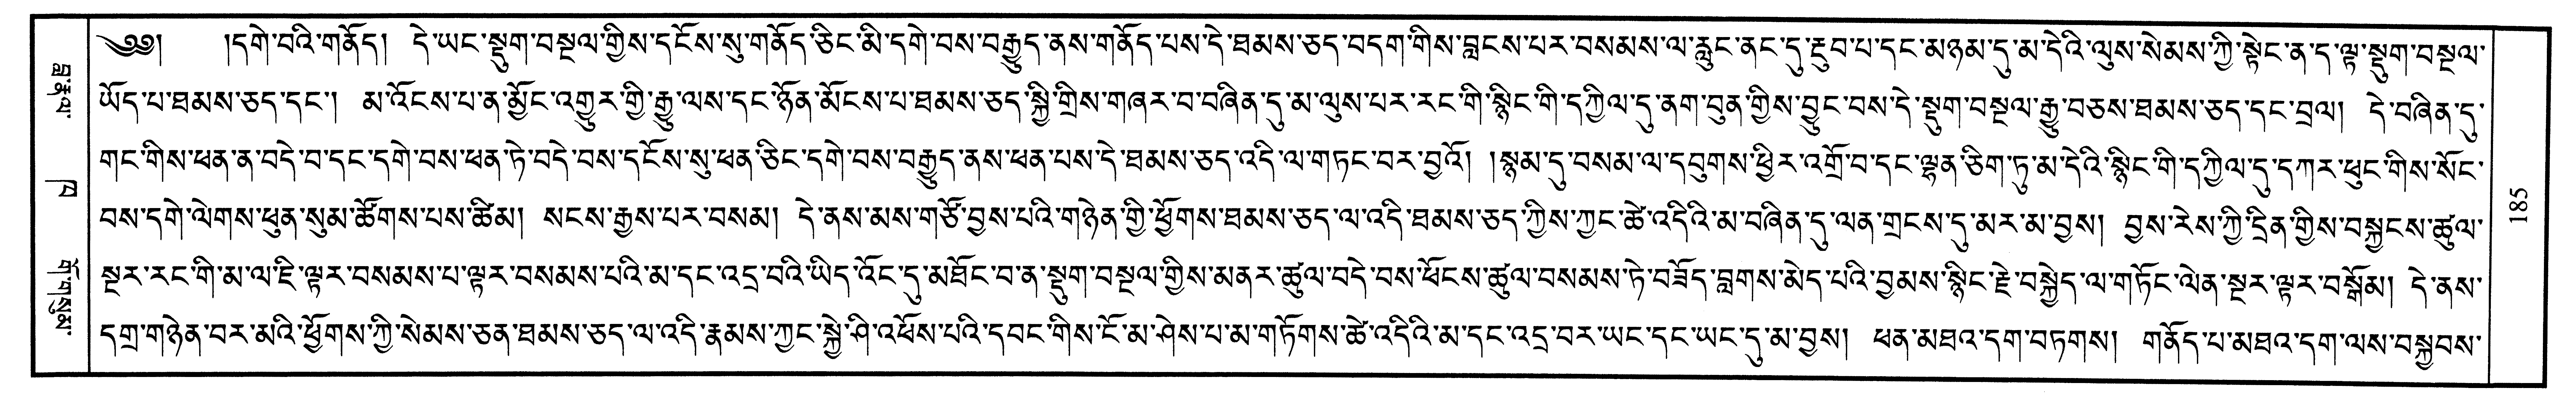༄༅། །དགེ་བའི་གནོད། དེ་ཡང་སྡུག་བསྔལ་གྱིས་དངོས་སུ་གནོད་ཅིང་མི་དགེ་བས་བརྒྱུད་ནས་གནོད་པས་དེ་ཐམས་ཅད་བདག་གིས་བླངས་པར་བསམས་ལ་རླུང་ནང་དུ་རྔུབ་པ་དང་མཉམ་དུ་མ་དེའི་ལུས་སེམས་ཀྱི་སྟེང་ན་ད་ལྟ་སྡུག་བསྔལ་
ཡོད་པ་ཐམས་ཅད་དང་། མ་འོངས་པ་ན་མྱོངས་འགྱུར་གྱི་རྒྱུ་ལས་དང་ཉོན་མོངས་པ་ཐམས་ཅད་སྐྱི་གྲིས་གཞར་བ་བཞིན་དུ་མ་ལུས་པར་རང་གི་སྙིང་གི་དཀྱིལ་དུ་ནག་བུན་གྱིས་བྱུང་བས་དེ་སྡུག་བསྔལ་རྒྱུ་བཅས་ཐམས་ཅད་དང་བྲལ། དེ་བཞིན་དུ་
གང་གིས་ཕན་ན་བདེ་བ་དང་དགེ་བས་ཕན་ཏེ་བདེ་བས་དངོས་སུ་ཕན་ཅིང་དགེ་བས་བརྒྱུད་ནས་ཕན་པས་དེ་ཐམས་ཅད་འདི་ལ་གཏང་བར་བྱའོ། །སྙམ་དུ་བསམ་ལ་དབུགས་ཕྱིར་འགྲོ་བ་དང་ལྷན་ཅིག་ཏུ་མ་དེའི་སྙིང་གི་དཀྱིལ་དུ་དཀར་ཕུང་གིས་སོང་
བས་དགེ་ལེགས་ཕུན་སུམ་ཚོགས་པས་ཚིམ། སངས་རྒྱས་པར་བསམ། དེ་ནས་མས་གཙོ་བྱས་པའི་གཉེན་གྱི་ཕྱོགས་ཐམས་ཅད་ལ་འདི་ཐམས་ཅད་ཀྱིས་ཀྱང་ཚེ་འདིའི་མ་བཞིན་དུ་ལན་གྲངས་དུ་མར་མ་བྱས། བྱས་རེས་ཀྱི་དྲིན་གྱིས་བསྐྱངས་ཚུལ་
སྔར་རང་གི་མ་ལ་ཇི་ལྟར་བསམས་པ་ལྟར་བསམས་པའི་མ་དང་འདྲ་བའི་ཡིད་འོང་དུ་མཐོང་བ་ན་སྡུག་བསྔལ་གྱིས་མནར་ཚུལ་བདེ་བས་ཕོངས་ཚུལ་བསམས་ཏེ་བཟོད་བླགས་མེད་པའི་བྱམས་སྙིང་རྗེ་བསྐྱེད་ལ་གཏོང་ལེན་སྔར་ལྟར་བསྒོམ། དེ་ནས་
དགྲ་གཉེན་བར་མའི་ཕྱོགས་ཀྱི་སེམས་ཅན་ཐམས་ཅད་ལ་འདི་རྣམས་ཀྱང་སྐྱེ་ཤི་འཕོས་པའི་དབང་གིས་ངོ་མ་ཤེས་པ་མ་གཏོགས་ཚེ་འདིའི་མ་དང་འདྲ་བར་ཡང་དང་ཡང་དུ་མ་བྱས། ཕན་མཐའ་དག་བཏགས། གནོད་པ་མཐའ་དག་ལས་བསྐྱབས་